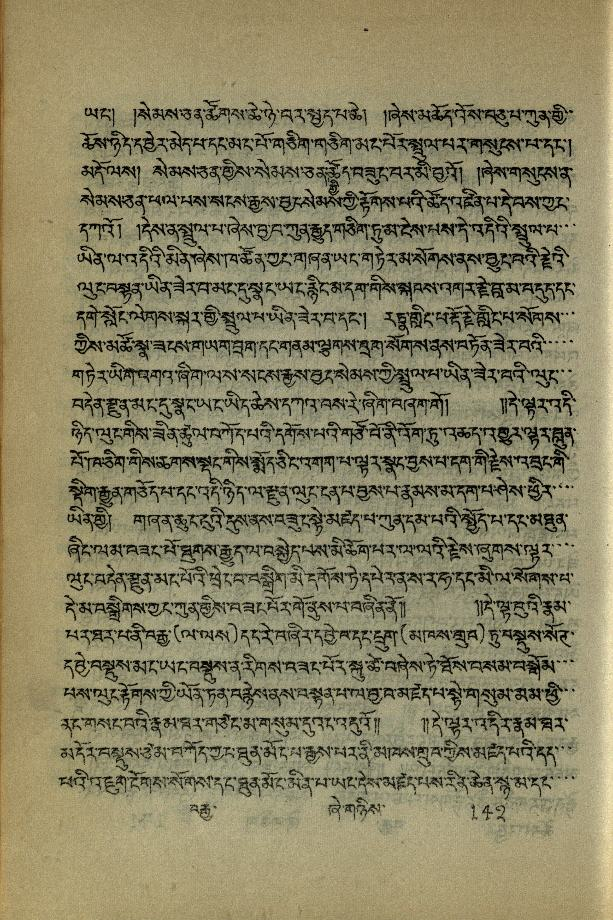ཡང་། །སེམས་ཅན་ཚོགས་ཆེ་ཉེ་བར་སྤྱད་པ་ཆེ། །ཞེས་མཆོད་འོས་བཅུ་པ་ཀུན་གྱི་
ཆོས་ཉིད་དབྱེར་མེད་པ་དང་མང་པོ་གཅིག་གཅིག་མང་པོར་སྤྲུལ་པར་གསུངས་པ་དང་།
མདོ་ལས། སེམས་ཅན་གྱིས་སེམས་ཅན་གྱི་ཚོད་བཟུང་བར་མི་བྱའོ། །ཞེས་གསུངས་ན་
སེམས་ཅན་ཕལ་པས་སངས་རྒྱས་བྱང་སེམས་ཀྱི་རྟོགས་པའི་ཚོད་འཛིན་པ་དེ་བས་ཀྱང་
དཀའོ། །དེས་ན་སྤྲུལ་པ་ཞེས་བྱ་བ་ཀུན་རྒྱུད་གཅིག་ཏུ་མ་ངེས་པས་དེ་འདིའི་སྤྲུལ་པ་
ཡིན་ལ་འདིའི་མིན་ཞེས་ཁ་ཚོན་ཀྱང་གཞན་ཡང་གཏེར་མ་སོགས་ནས་བྱུང་བའི་རྗེའི་
ལུང་བསྟན་ཡིན་ཟེར་བ་མང་དུ་སྣང་ཡང་རྙིང་མ་དག་གིས་སྐབས་འགར་རྗེ་བླ་མ་བདུད་དང་
དགེ་སློང་ལེགས་སྐར་གྱི་སྤྲུལ་པ་ཡིན་ཟེར་བ་དང་། རཏྣ་གླིང་པ་རྡོ་རྗེ་གླིང་པ་སོགས་
ཀྱིས་མཚོ་སྣ་ཟངས་གཡག་བྲག་དང་གནམ་ལྕགས་བྲག་སོགས་ནས་བཏོན་ཟེར་བའི་
གཏེར་ཡིག་འགའ་ཞིག་ལས་སངས་རྒྱས་བྱང་སེམས་ཀྱི་སྤྲུལ་པ་ཡིན་ཟེར་བའི་ལུང་
བདེན་རྫུན་མང་དུ་སྣང་ཡང་ཡིད་ཆེས་དཀའ་བས་རེ་ཞིག་བཞག་གོ། །།དེ་ལྟར་འདི་
ཉིད་ལུང་གིས་ཟིན་ཚུལ་བཀོད་པའི་དགོས་པའི་གཙོ་བོ་ནི་འོག་ཏུ་འཆད་འགྱུར་ལྟར་བླུན་
པོ་ཁ་ཅིག་གིས་ཆགས་སྡང་གིས་སྨོད་ཅིང་འགག་པ་ལྟར་སྣང་བྱས་པ་དག་གི་རྗེས་འབྲང་གི་
སྡིག་རྒྱུན་གཅོད་པ་དང་འདི་ཉིད་ལ་རྫུན་ལུང་ངན་པ་བྱས་པ་རྣམས་མ་དག་པ་ཤེས་ཕྱིར་
ཡིན་གྱི། གཞན་ཆུང་ངུའི་དུས་ནས་བཟུང་སྟེ་མཛད་པ་ཀུན་དམ་པའི་སྤྱོད་པ་དང་མཐུན་
ཞིང་ལམ་བཟང་པོ་ཐུགས་རྒྱུད་ལ་བསྐྱེད་པས་མི་ཆོག་པར་ལ་ལའི་རྗེས་ཞུགས་ལྟར་
ལུང་བདེན་རྫུན་མང་པོའི་ཕྲེང་བ་བསྒྲིག་མི་དགོས་ཏེ་དཔེར་ན་ས་ར་ཧ་དང་མི་ལ་སོགས་པ་
དེ་མ་བསྒྲིགས་ཀྱང་ཀུན་གྱིས་བཟང་པོར་གོ་ནུས་པ་བཞིན་ནོ།། །།དེ་ལྟ་བུའི་རྣམ་
པར་ཐར་པ་ནི་བརྒྱ་ལ་ལས་དང་རེ་བཞིར་དབྱེ་བ་དང་དྲུག་མཁས་གྲུབ་ཏུ་བསྡུས་སོཊ་
དབྱེ་བསྡུས་མང་ཡང་བསྡུས་ན་རིགས་བཟང་པོར་སྐུ་ཚེ་བཞེས་ཏེ་ཐོས་བསམ་བསྒོམ་
པས་ལུང་རྟོགས་ཀྱི་ཡོན་ཏན་བརྙེས་ནས་བསྟན་པ་ལ་བྱ་བ་མཛད་པ་སྟེ་གསུམ་མམ་ཕྱི་
ནང་གསང་བའི་རྣམ་ཐར་གཙང་མ་གསུམ་དུའང་འདུའོ།། །།དེ་ལྟར་འདིར་རྣམ་ཐར་
མདོར་བསྡུས་ཙམ་བཀོད་ཀྱང་ཐུན་མོང་པ་རྒྱས་པར་ནི་མཁས་གྲུབ་ཀྱིས་མཛད་པའི་དད་
པའི་འཇུག་ངོགས་སོགས་དང་ཐུན་མོང་མིན་པ་ཡང་དེས་མཛད་པས་རིན་ཆེན་སྙ་མ་དང་